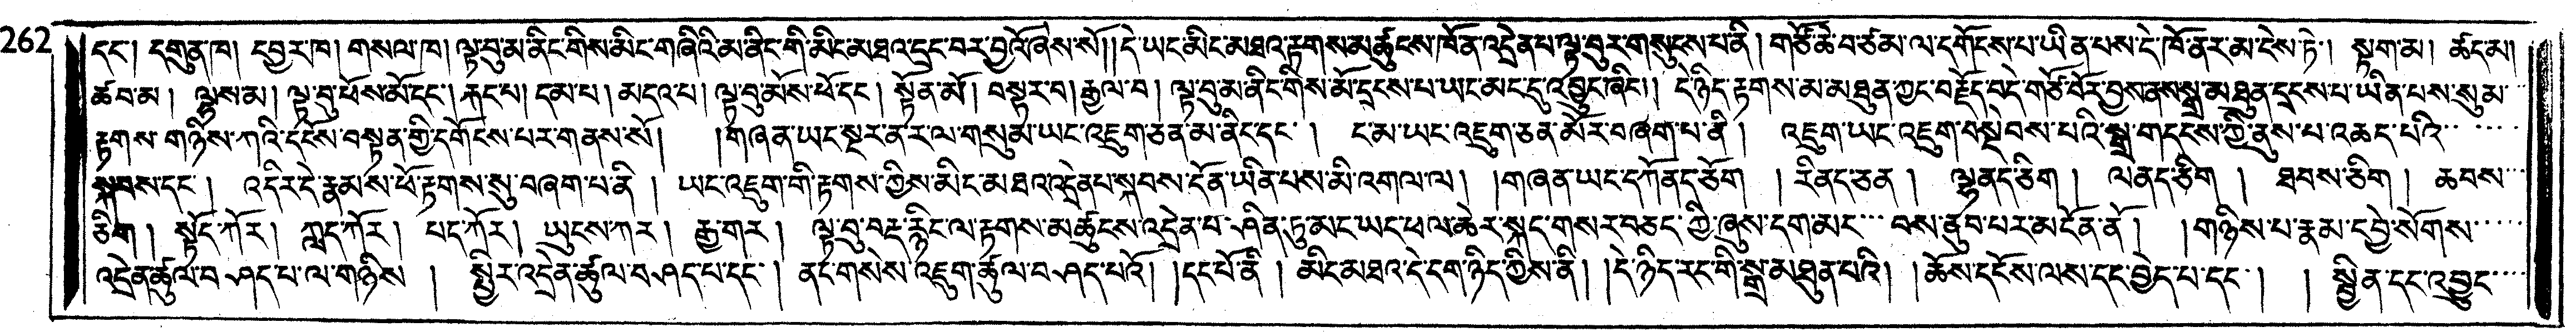དང་། དགུན་ཁ། དབྱར་ཁ། གསལ་ཁ། ལྟ་བུ་མ་ནིང་གིས་མིང་གཞིའི་མ་ནིང་གི་མིང་མཐའ་དྲང་བར་བྱའོ་ཞེས་སོ། །དེ་ཡང་མིང་མཐའ་རྟགས་མཚུངས་ཁོ་ན་འདྲེན་པ་ལྟ་བུར་གསུངས་པ་ནི། གཙོ་ཆེ་བ་ཙམ་ལ་དགོངས་པ་ཡིན་པས་དེ་ཁོ་ནར་མ་ངེས་ཏེ། སྟག་མ། ཚད་མ།
ཚབ་མ། ལྷས་མ། ལྟ་བུ་ཕོས་མོ་དང་། རྐང་པ། དམ་པ། མངའ་པ། ལྟ་བུ་མོས་ཕོ་དང་། སྟོན་མོ། བསྟར་བ། རྒྱལ་བ། ལྟ་བུ་མ་ནིང་གིས་མོ་དྲངས་པ་ཡང་མང་དུ་འབྱུང་ཞིང་། དེ་ཉིད་རྟགས་མ་མཐུན་ཀྱང་བརྗོད་བདེ་གཙོ་བོར་བྱས་ནས་སྒྲ་མཐུན་དྲངས་པ་ཡིན་པས་སུམ་
རྟགས་གཉིས་ཀའི་དངོས་བསྟན་གྱི་དགོངས་པར་གནས་སོ། །གཞན་ཡང་སྔར་ན་ར་ལ་གསུམ་ཡང་འཇུག་ཅན་མ་ནིང་དང་། ང་མ་ཡང་འཇུག་ཅན་མོར་བཞག་པ་ནི། འཇུག་ཡང་འཇུག་བསྡེབས་པའི་སྒྲ་གདངས་ཀྱི་ནུས་པ་འཆད་པའི་
སྐབས་དང་། འདིར་དེ་རྣམས་ཕོ་རྟགས་སུ་བཞག་པ་ནི། ཡང་འཇུག་གི་རྟགས་ཀྱིས་མིང་མཐའ་འདྲེན་པ་སྐབས་དོན་ཡིན་པས་མི་འགལ་ལ། །གཞན་ཡང་དཀོནྡ་ཅོག །རིནྡ་ཅན། ལྷནྡ་ཅིག། ལནྡ་ཅིག། ཐབས་ཅིག ། ཆབས་
ཅིག །སྟོང་ཀོར། ཀླད་ཀོར། པད་ཀོར། ཡུངས་ཀར། རྒྱ་གར། ལྟ་བུ་བརྡ་རྙིང་ལ་རྟགས་མཚུངས་འདྲེན་པ་ཤིན་ཏུ་མང་ཡང་ཕལ་ཆེར་སྐད་གསར་བཅད་ཀྱི་ཞུས་དག་མང་་་བས་ནུབ་པར་མངོན་ནོ། །གཉིས་པ་རྣམ་དབྱེ་སོགས་
འདྲེན་ཚུལ་བཤད་པ་ལ་གཉིས། སྤྱིར་འདྲེན་ཚུལ་བཤད་པ་དང་། ནང་གསེས་འཇུག་ཚུལ་བཤད་པའོ། །དང་པོ་ནི། མིང་མཐའ་དེ་དག་ཉིད་ཀྱིས་ནི། །དེ་ཉིད་རང་གི་སྒྲ་མཐུན་པའི། །ཆོས་དངོས་ལས་དང་བྱེད་པ་དང་། །སྦྱིན་དང་འབྱུང་